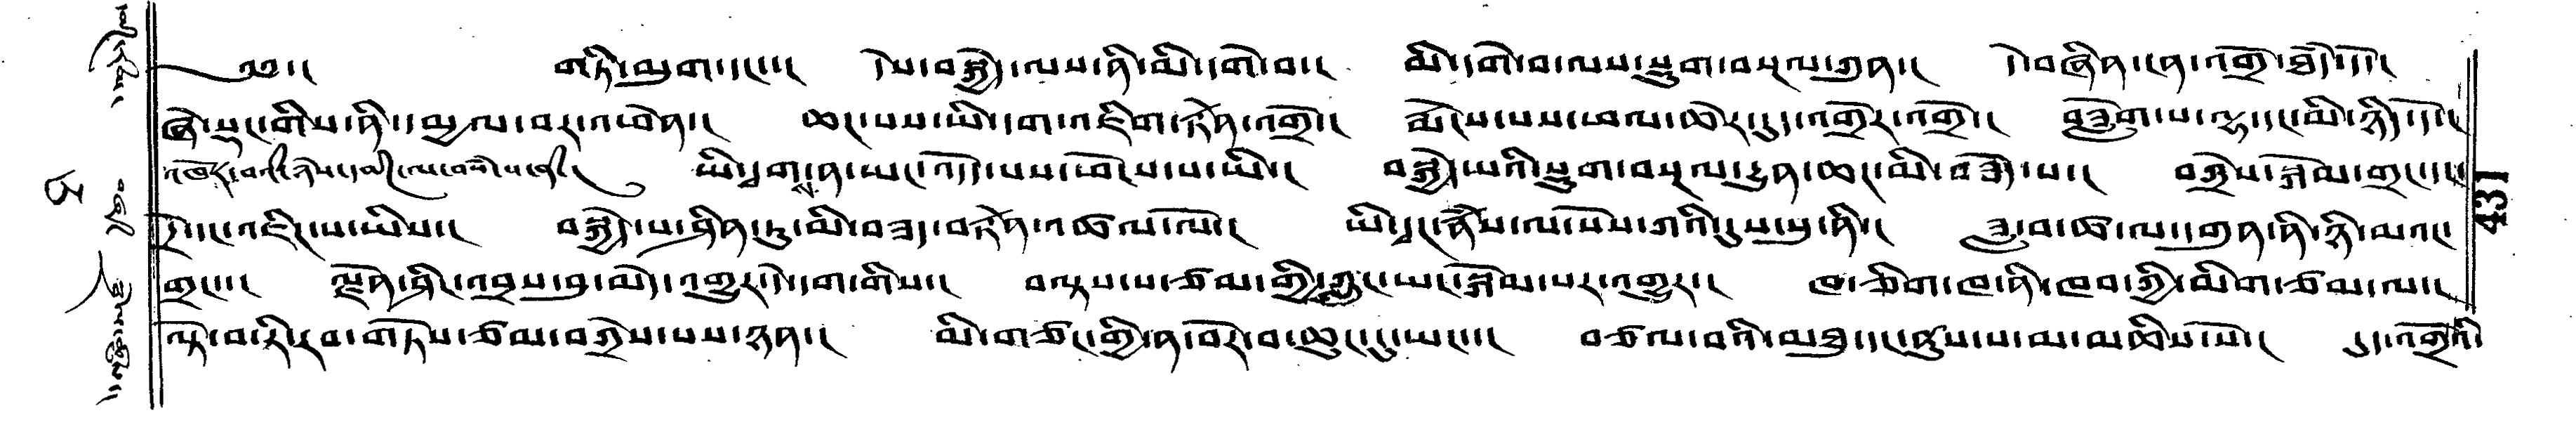གཏི་མུག་དང་། །དེས་བསྐྱེད་ལས་ནི་མི་དགེ་བ། །མི་དགེ་བ་ལས་སྡུག་བསྔལ་ཀུན། །དེ་བཞིན་ངན་འགྲོ་ཐམས་ཅད་དོ། །
ཞེ་སྡང་གིས་ནི་དམྱལ་བར་འཕེན། །ཆགས་པས་ཡི་དྭགས་འཇིག་རྟེན་འགྲོ། །རྨོངས་པས་ཕལ་ཆེར་དུད་འགྲོར་འགྲོ། །ལྡོག་པ་ལྷ་དང་མི་ཉིད་དོ། 
འཁོར་བའི་ཉེས་དམིགས་ལ་བསམ་པ་ནི། ཡི་དྭགས་ན་ཡང་འདོད་པས་ཕོངས་པ་ཡིས། །བསྐྱེད་པའི་སྡུག་བསྔལ་རྒྱུན་ཆགས་མི་བཟོད་པ། །བཀྲེས་སྐོམ་གྲང་དང་
དྲོ་དང་འཇིགས་པ་ཡིས། །བསྐྱེད་པ་ཤིན་ཏུ་མི་བཟད་བསྟེན་འཚལ་ལོ། །ཡི་དྭགས་རྣམས་ལ་སོས་ཀའི་དུས་སུ་ནི། །ཟླ་བ་ཚ་ལ་དགུན་ནི་ཉི་མའང་གྲང་། །
ལྗོན་ཤིང་འབྲས་བུ་མེད་འགྱུར་དེ་དག་གིས། །བལྟས་པ་ཙམ་གྱི་ཀླུང་ཡང་སྐམ་པར་འགྱུར། ཁ་ཅིག་ཁ་ནི་ཁབ་ཀྱི་མིག་ཙམ་ལ། །
ལྟོ་བ་རི་རབ་གཏོས་ཙམ་བཀྲེས་པས་ཉན། །མི་གཙང་གྱི་ན་བོར་བ་ཆུང་ངུ་ཡང་། །བཙལ་བའི་མཐུ་དང་ནུས་པ་མ་མཆིས་སོ། །དུད་འགྲོའི་